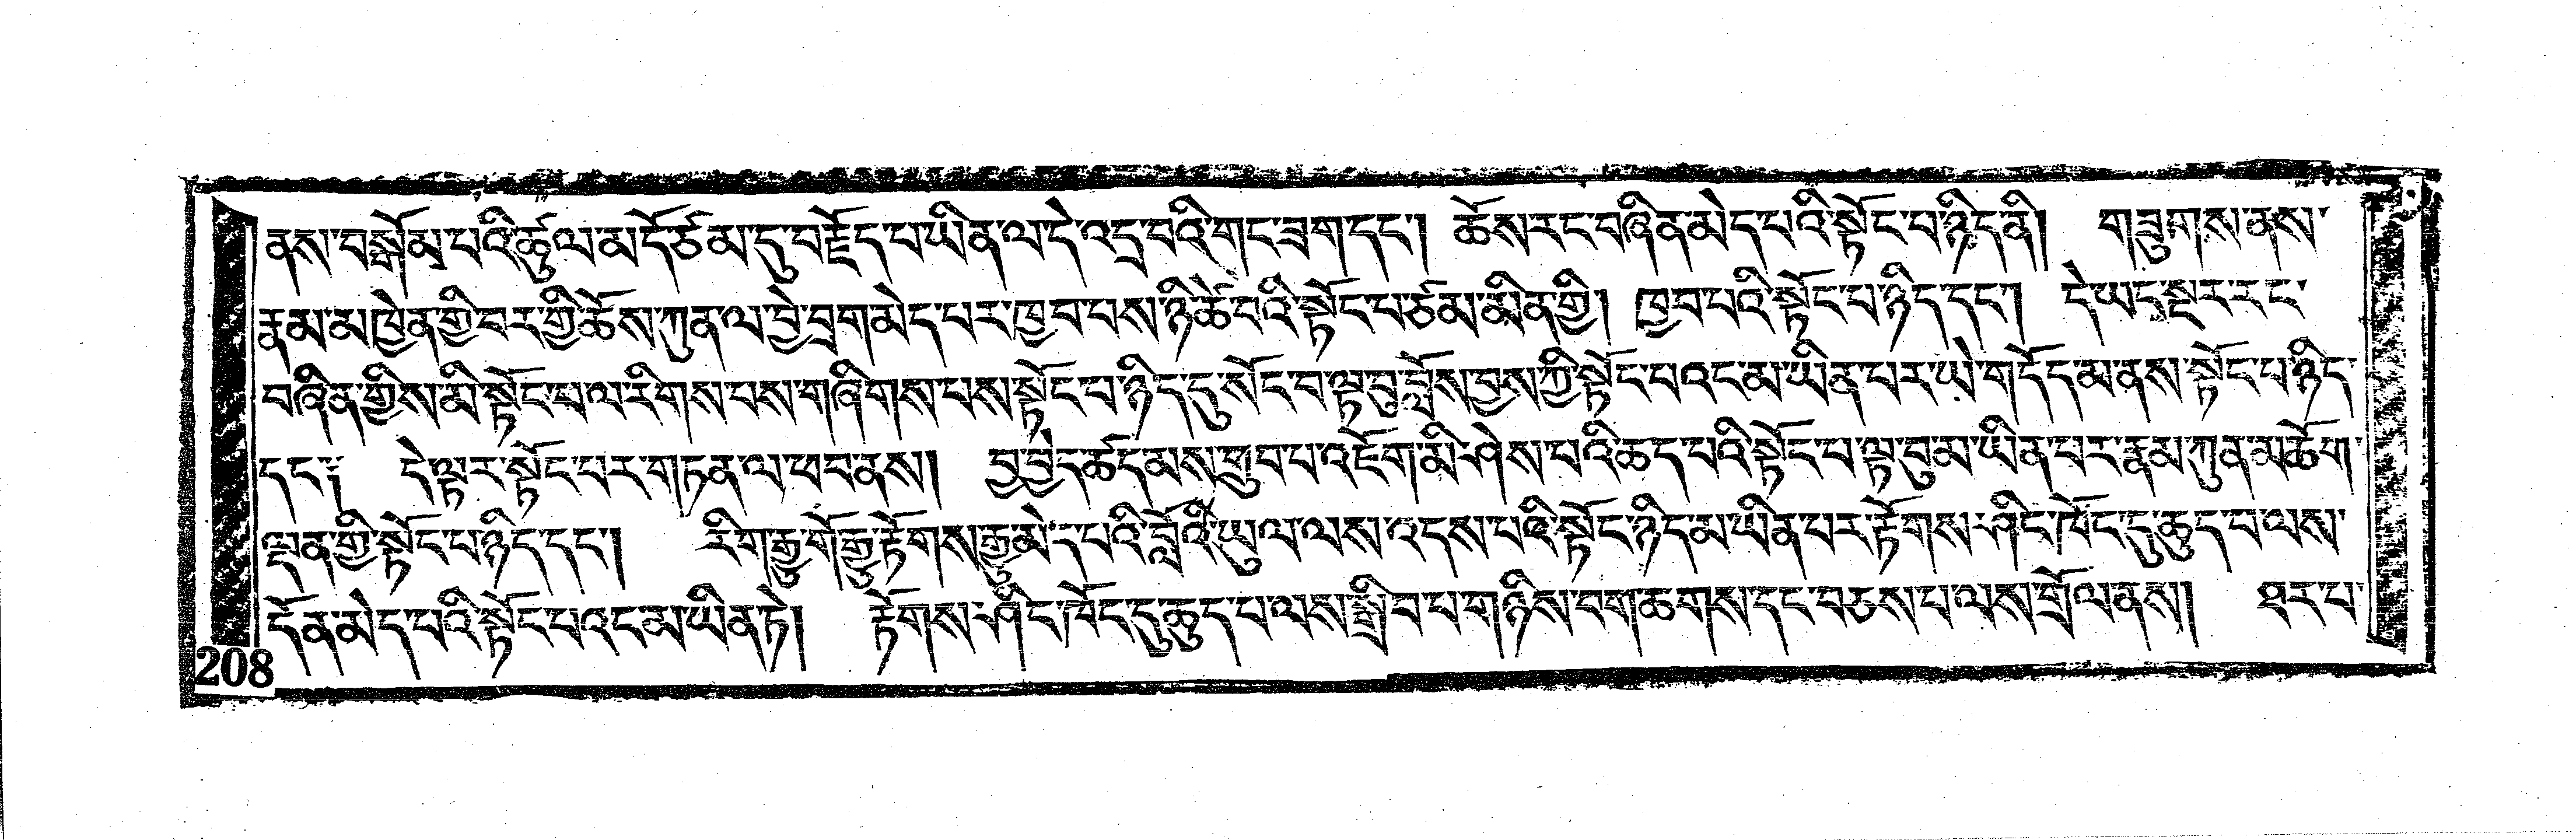ནས་བསྒོམ་པའི་ཚུལ་མདོ་ཙམ་དུ་བརྗོད་པ་ཡིན་ལ་དེ་འདྲ་བའི་གང་ཟག་དང་། ཆོས་རང་བཞིན་མེད་པའི་སྟོང་པ་ཉིད་ནི། གཟུགས་ནས་
རྣམ་མཁྱེན་གྱི་བར་གྱི་ཆོས་ཀུན་ལ་བྱེ་བྲག་མེད་པར་ཁྱབ་པས་ཉི་ཚེ་བའི་སྟོང་པ་ཙམ་མིན་གྱི། ཁྱབ་པའི་སྟོང་པ་ཉིད་དང་། དེ་ཡང་སྔར་རང་
བཞིན་གྱིས་མི་སྟོང་པ་ལ་རིགས་པས་གཞིགས་པས་སྟོང་པ་ཉིད་དུ་སོང་བ་ལྟ་བུ་བློས་བྱས་ཀྱི་སྟོང་པའང་མ་ཡིན་པར་ཡེ་གདོད་མ་ནས་སྟོང་པ་ཉིད་
དང༑ དེ་ལྟར་སྟོང་པར་གཏན་ལ་ཕབ་ནས། བྱ་བྱེད་ཚད་མས་གྲུབ་པ་འཇོག་མི་ཤེས་པའི་ཆད་པའི་སྟོང་པ་ལྟ་བུ་མ་ཡིན་པར་རྣམ་ཀུན་མཆོག་
ལྡན་གྱི་སྟོང་པ་ཉིད་དང་། རིག་རྒྱུ་གོ་རྒྱུ་རྟོགས་རྒྱུ་མེད་པའི་བློའི་ཡུལ་ལས་འདས་པའི་སྟོང་ཉིད་མ་ཡིན་པར་རྟོགས་ཤིང་ཁོང་དུ་ཆུད་པ་ལས་
དོན་མེད་པའི་སྟོང་པའང་མ་ཡིན་ཏེ། རྟོགས་ཤིང་ཁོང་དུ་ཆུད་པ་ལས་སྒྲིབ་པ་གཉིས་བག་ཆགས་དང་བཅས་པ་ལས་གྲོལ་ནས། ཐར་པ་